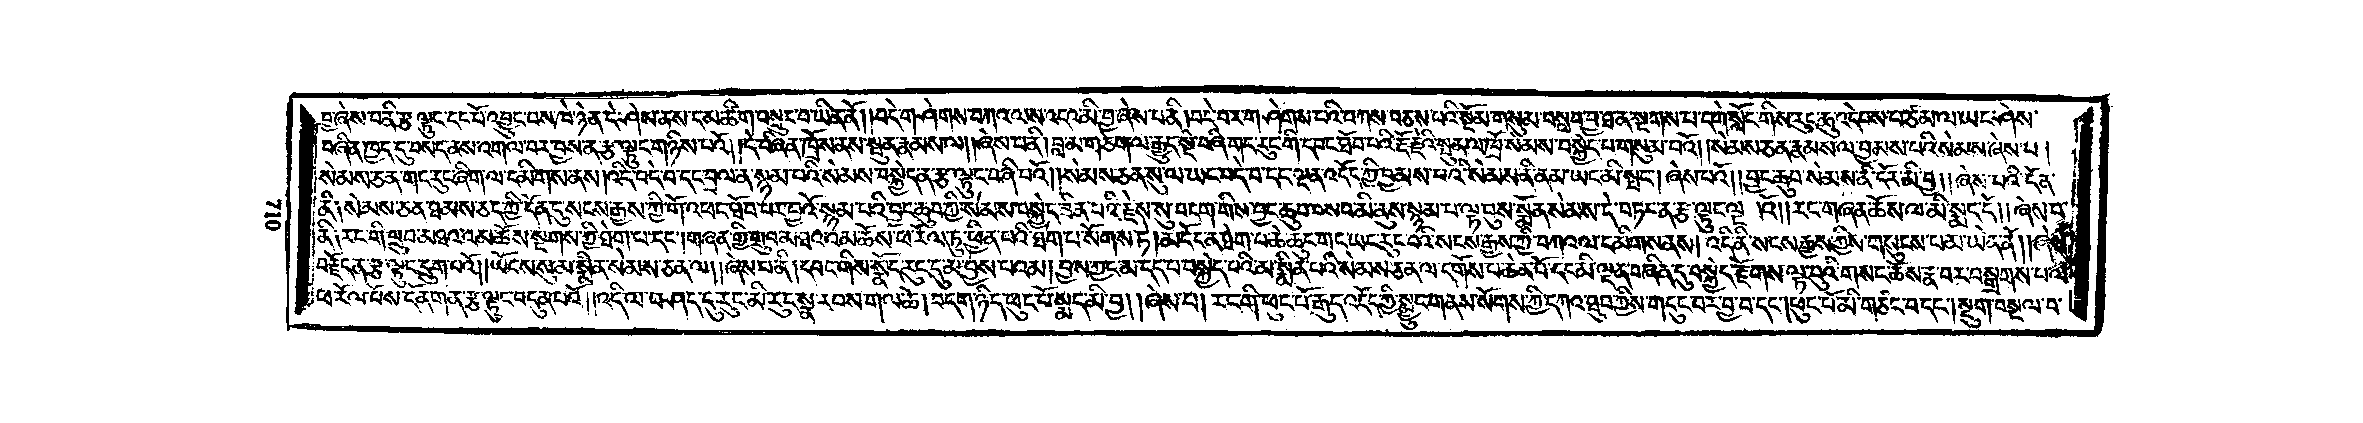བྱ་ཞེས་པ་ནི་རྩ་ལྟུང་དང་པོ་འབྱུང་བས་ཁེ་ཉེན་དེ་ཤེས་ནས་དམ་ཚིག་བསྲུང་བ་ཡིན་ནོ། །བདེ་གཤེགས་བཀའ་ལས་འདའ་མི་བྱ་ཞེས་པ་ནི། བདེ་བར་གཤེགས་པའི་བཀས་བཅས་པའི་སྡོམ་གསུམ་བསླབ་བྱ་ཐ་ན་སྔགས་པ་དགེ་སློང་གིས་རུང་ཆུ་འདེབས་པ་ཙམ་ལ་ཡང་ཤེས་
བཞིན་ཁྱད་དུ་བསད་ནས་འགལ་བར་བྱས་ན་རྩ་ལྟུང་གཉིས་པའོ། །དེ་བཞིན་ཁྲོས་ནས་སྤུན་རྣམས་ལ། །ཞེས་པ་ནི། བླ་མ་གཅིག་ལ་རྒྱུད་སྡེ་བཞི་གང་རུང་གི་དབང་ཐོབ་པའི་རྡོ་རྗེའི་སྤུན་ལ་ཁྲོ་སེམས་བསྐྱེད་པ་གསུམ་པའོ། །སེམས་ཅན་རྣམས་ལ་བྱམས་པའི་སེམས་ཞེས་པ།
སེམས་ཅན་གང་རུང་ཞིག་ལ་དམིགས་ནས། འདི་བདེ་བ་དང་བྲལ་ན་སྙམ་པའི་སེམས་བསྐྱེད་ན་རྩ་ལྟུང་བཞི་པའོ། །སེམས་ཅན་སུ་ལ་ཡང་བདེ་བ་དང་ལྡན་འདོད་ཀྱི་བྱམས་པའི་སེམས་ནི་ནམ་ཡང་མི་སྤང་། ཞེས་པའོ། །བྱང་ཆུབ་སེམས་ནི་དོར་མི་བྱ། །ཞེས་པའི་དོན་
ནི། སེམས་ཅན་ཐམས་ཅད་ཀྱི་དོན་དུ་སངས་རྒྱས་ཀྱི་གོ་འཕང་ཐོབ་པར་བྱའོ་སྙམ་པའི་བྱང་ཆུབ་ཀྱི་སེམས་བསྐྱེད་ཟིན་པའི་རྗེས་སུ་བདག་གིས་བྱང་ཆུབ་བསབ་མི་ནུས་སྙམ་པ་ལྟ་བུས་སྨོན་སེམས་དེ་བཏང་ན་རྩ་ལྟུང་ལྔའོ། །རང་གཞན་ཆོས་ལ་མི་སྨད་དོ། །ཞེས་པ་
ནི། རང་གི་གྲུབ་མཐའ་འམ་ཆོས་སྔགས་ཀྱི་ཐེག་པ་དང་། གཞན་གྱི་གྲུབ་མཐའ་འམ་ཆོས་ཕ་རོལ་ཏུ་ཕྱིན་པའི་ཐེག་པ་སོགས་ཏེ། མདོད་ན་ཐེག་པ་ཆེ་ཆུང་གང་ཡང་རུང་བའི་སངས་རྒྱས་ཀྱི་བཀའ་ལ་དམིགས་ནས། འདི་ནི་སངས་རྒྱས་ཀྱིས་གསུངས་པ་མ་ཡིན་ནོ། །ཞེས་
བརྗོད་ན་རྩ་ལྟུང་དྲུག་པའོ། །ཡོངས་སུ་མ་སྨིན་སེམས་ཅན་ལ། །ཞེས་པ་ནི། དབང་གིས་སྣོད་རུང་དུ་མ་བྱས་པའམ། བྱས་ཀྱང་མ་དད་པ་བསྐྱེད་པའི་མ་སྨིན་པའི་སེམས་ཅན་ལ་དགོས་པ་ཆེན་པོ་དང་མི་ལྡན་བཞིན་དུ་བསྐྱེད་རྫོགས་ལྟ་བུའི་གསང་ཆོས་རྣ་བར་བསྒྲགས་པ་ལ་
ཕ་རོལ་པོས་དོན་གན་རྩ་ལྟུང་བདུན་པའོ། །འདི་ལ་བཤད་དུ་རུང་མི་རུང་སྣ་རབས་གལ་ཆེ། བདག་ཉིད་ཕུང་པོ་སྨད་མི་བྱ། །ཞེས་པ། རང་གི་ཕུང་པོ་རྒུད་འདོད་ཀྱི་སྨྱུང་གནས་སོགས་ཀྱི་དཀའ་ཐུབ་ཀྱིས་གདུང་བར་བྱ་བ་དང་། ཕུང་པོ་མི་གཙང་བ་དང་། སྡུག་བསྔལ་བ་